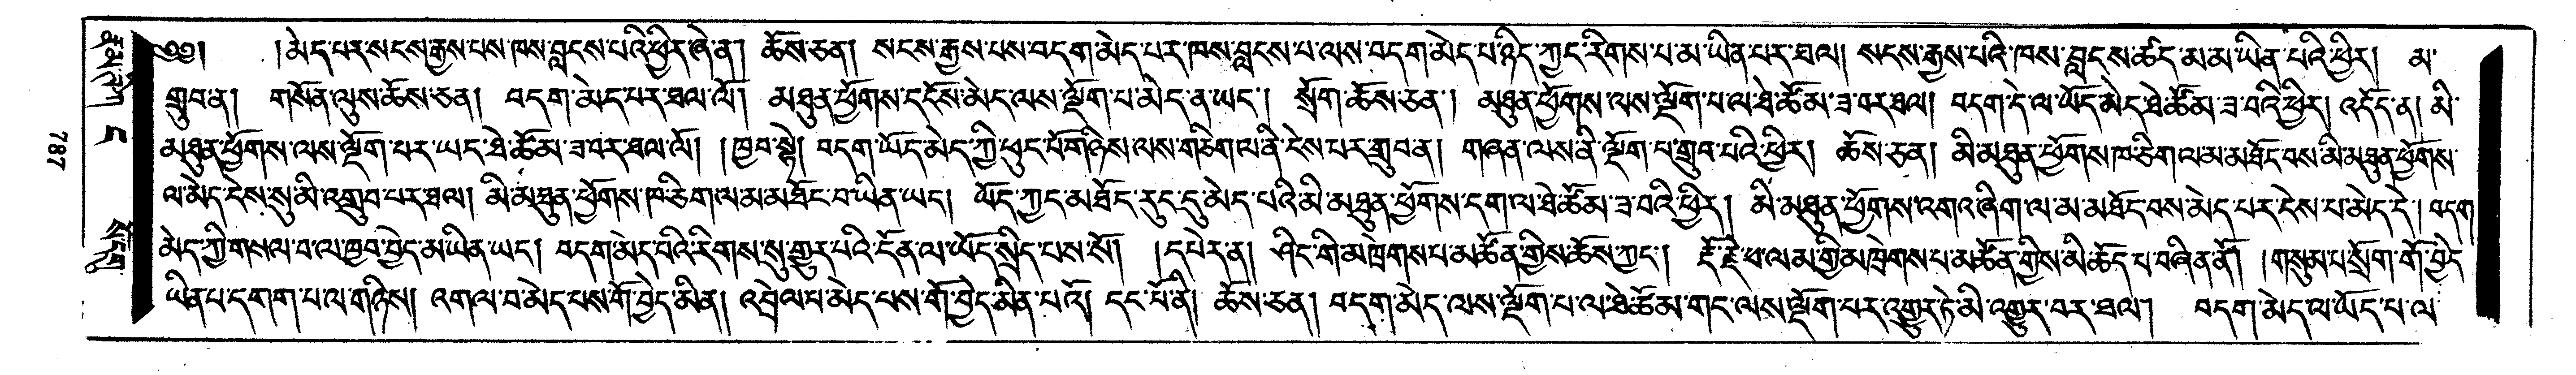༄༅། །མེད་པར་སངས་རྒྱས་པས་ཁས་བླངས་པའི་ཕྱིར་ཞེ་ན། ཆོས་ཅན། སངས་རྒྱས་པས་བདག་མེད་པར་ཁས་བླངས་པ་ལས་བདག་མེད་པ་ཉིད་ཀྱང་རིགས་པ་མ་ཡིན་པར་ཐལ། སངས་རྒྱས་པའི་ཁས་བླངས་ཚད་མ་མ་ཡིན་པའི་ཕྱིར། མ་
གྲུབ་ན། གསོན་ལུས་ཆོས་ཅན། བདག་མེད་པར་ཐལ་ལོ། མཐུན་ཕྱོགས་དངོས་མེད་ལས་ལྡོག་པ་མེད་ན་ཡང་། སྲོག་ཆོས་ཅན། མཐུན་ཕྱོགས་ལས་ལྡོག་པ་ལ་ཐེ་ཚོམ་ཟ་བར་ཐལ། བདག་དེ་ལ་ཡོད་མེད་ཐེ་ཚོམ་ཟ་བའི་ཕྱིར། འདོད་ན། མི་
མཐུན་ཕྱོགས་ལས་ལྡོག་པར་ཡང་ཐེ་ཚོམ་ཟ་བར་ཐལ་ལོ། །ཁྱབ་སྟེ། བདག་ཡོད་མེད་ཀྱི་ཕུང་པོ་གཉིས་ལས་གཅིག་ལ་ནི་ངེས་པར་གྲུབ་ན། གཞན་ལས་ནི་ལྡོག་པ་གྲུབ་པའི་ཕྱིར། ཆོས་ཅན། མི་མཐུན་ཕྱོགས་ཁ་ཅིག་ལ་མ་མཐོང་བས་མི་མཐུན་ཕྱོགས་
ལ་མེད་དེས་སུ་མི་འགྲུབ་པར་ཐལ། མི་མཐུན་ཕྱོགས་ཁ་ཅིག་ལ་མ་མཐོང་བ་ཡིན་ཡང་། ཡོད་ཀྱང་མཐོང་རུང་དུ་མེད་པའི་མི་མཐུན་ཕྱོགས་དག་ལ་ཐེ་ཚོམ་ཟ་བའི་ཕྱིར། མི་མཐུན་ཕྱོགས་འགའ་ཞིག་ལ་མ་མཐོད་བས་མེད་པར་ངེས་པ་མེད་དེ། བདག་
མེད་ཀྱི་གསལ་བ་ལ་ཁྱབ་བྱེད་མ་ཡིན་ཡང་། བདག་མེད་པའི་རིགས་སུ་གྱུར་པའི་དོན་ལ་ཡོད་སྲིད་པས་སོ། །དཔེར་ན། ཤིང་གི་མཁྲེགས་པ་མཚོན་གྱིས་ཆོས་ཀྱང་། རྡོ་རྗེ་ཕ་ལམ་གྱི་མཁྲེགས་པ་མཚོན་གྱིས་མི་ཆོད་པ་བཞིན་ནོ། །གསུམ་པ་སྲོག་གོ་བྱེད་
ཡིན་པ་དགག་པ་ལ་གཉིས། འགལ་བ་མེད་པས་གོ་བྱེད་མིན། འབྲེལ་པ་མེད་པས་གོ་བྱེད་མིན་པའོ། དང་པོ་ནི། ཆོས་ཅན། བདག་མེད་ལས་ལྡོག་པ་ལ་ཐེ་ཚོམ་གང་ལས་ལྡོག་པར་འགྱུར་ཏེ་མི་འགྱུར་བར་ཐལ། བདག་མེད་ལ་ཡོད་པ་ལ་